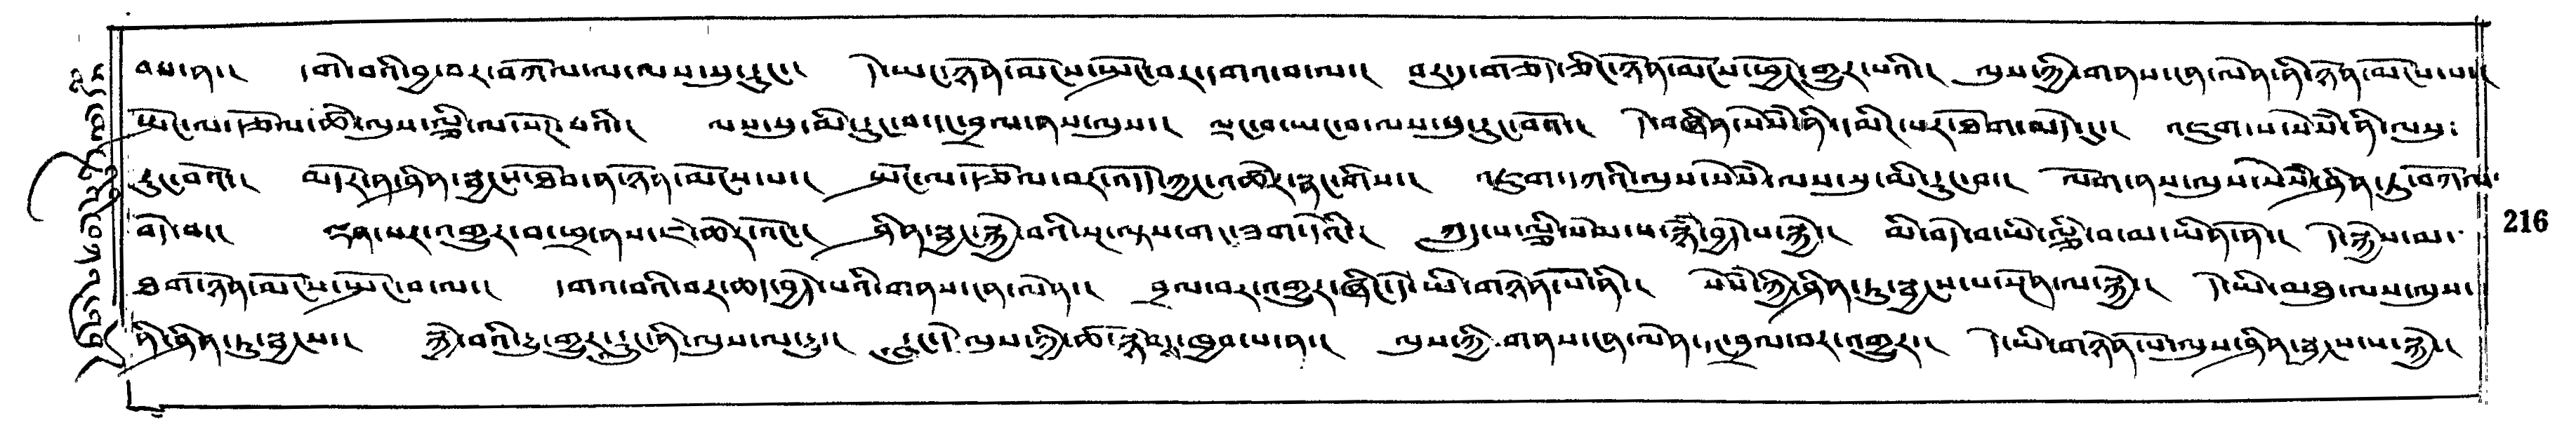བས་ན། །དགེ་བའི་བྱ་བར་བཀོལ་ལ་ལས་སུ་རུང་། །དེ་ཡང་ཉོན་མོངས་སྤོང་བར་དགའ་བ་ལ། །བར་དུ་གཅོད་ཅིང་ཉོན་མོངས་ཕྱོགས་གྱུར་པའི། །ལུས་ཀྱི་གནས་ངན་ལེན་ནི་ཉོན་མོངས་པ། །
སྤོང་ལ་རྩོལ་ཚེ་ལུས་ལྕི་ལ་སོགས་པའི། །ལས་སུ་མི་རུང་བ་དང་བྲལ་ནས་ལུས། །ལྡང་བ་ཡང་བ་ལས་སུ་རུང་བའོ། །དེ་བཞིན་སེམས་ནི་དམིགས་པར་ཐོགས་མེད་དུ། །འཇུག་པ་སེམས་ནི་ལས་སུ་
རུང་བའོ། །མདོར་ན་ཤིན་སྦྱངས་ཐོབ་ན་ཉོན་མོངས་པ། །སྤོང་ལ་རྩོལ་བར་འདོད་ཀྱང་འཚེར་སྣང་གིས། །འཇུག་དཀའི་ལུས་སེམས་ལས་སུ་མི་རུང་བ། །ལོག་ནས་ལུས་སེམས་ཤིན་ཏུ་བཀོལ་
བདེ་བ། །ལྡན་པར་འགྱུར་བ་ཕྲ་ནས་ཇེ་ཆེར་འོང་། །ཤིན་སྦྱངས་སྐྱེ་བའི་སྔ་ལྟས་གང་ཟག་དེའི། །ཀླད་པ་ལྕི་སེམས་པ་སྙམ་བྱེད་པ་སྐྱེ། །མི་བདེ་བ་ཡི་ལྕི་བ་མ་ཡིན་ནོ། །དེ་སྐྱེས་མ་
ཐག་ཉོན་མོངས་སྤོང་བ་ལ། །དགའ་བའི་བར་ཆད་བྱེད་པའི་གནས་ངན་ལེན། །བྲལ་བར་འགྱུར་ཞིང་དེ་ཡི་གཉེན་པོ་ནི། །སེམས་ཀྱི་ཤིན་ཏུ་སྦྱངས་པ་སྔོན་ལ་སྐྱེ། །དེ་ཡི་མཐུ་ལས་ལུས་
ནི་ཤིན་ཏུ་སྦྱངས། །སྐྱེ་བའི་རྒྱུ་གྱུར་རླུང་ནི་ལུས་ལ་རྒྱུ། །རླུང་དེ་ལུས་ཀྱི་ཆ་སྙོམ་ཁྱབ་པ་ན། །ལུས་ཀྱི་གནས་ངན་ལེན་དང་བྲལ་བར་འགྱུར། །དེ་ཡི་གཉེན་པོ་ལུས་ཤིན་སྦྱངས་པ་སྐྱེ། །